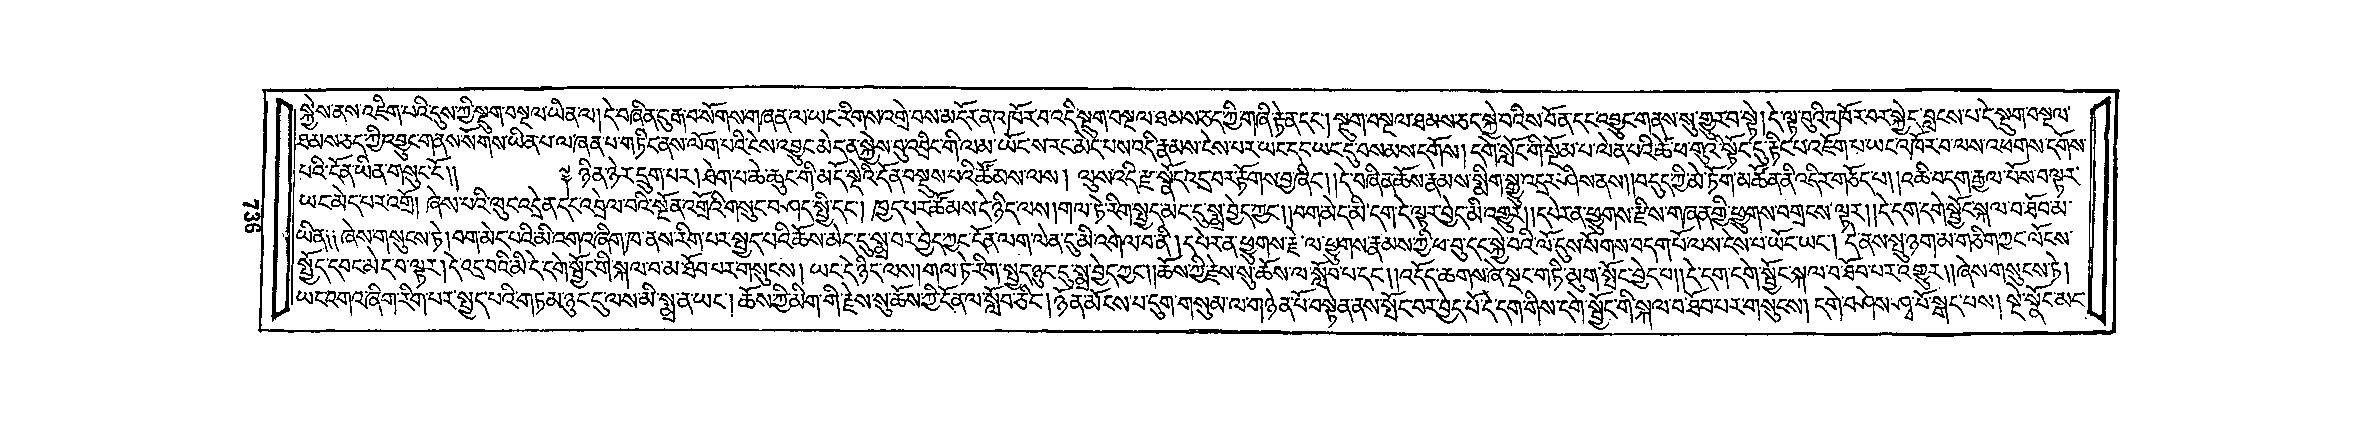སྐྱེས་ནས་འཇིག་པའི་དུས་ཀྱི་སྡུག་བསྔལ་ཡིན་ལ། དེ་བཞིན་དུ་རྒ་བ་སོགས་གཞན་ལ་ཡང་རིགས་འགྲེ་བས་མདོར་ན་འཁོར་བ་འདི་སྡུག་བསྔལ་ཐམས་ཅད་ཀྱི་གཞི་རྟེན་དང་། སྡུག་བསྔལ་ཐམས་ཅད་སྐྱེ་བའི་ས་བོན་དང་འབྱུང་གནས་སུ་གྱུར་པ་སྟེ། དེ་ལྟ་བུའི་འཁོར་བར་སྐྱེད་བླངས་པ་དེ་སྡུག་བསྔལ་
ཐམས་ཅད་ཀྱི་འབྱུང་གནས་སོགས་ཡིན་པ་ལ་ཞན་པ་གཏིང་ནས་ལོག་པའི་ངེས་འབྱུང་མེད་ན་སྐྱེས་བུ་འབྲིང་གི་ལམ་ཡོང་ས་རང་མེད་པས་འདི་རྣམས་ངེས་པར་ཡང་དང་ཡང་དུ་བསམས་དགོས། དགེ་སློང་གི་སྡོམ་པ་ལེན་པའི་ཚེ་ཕ་གུའི་སྟོང་དུ་རྟིང་པ་འཇོག་པ་ཡང་འཁོར་བ་ལས་འཕགས་དགོས་
པའི་དོན་ཡིན་གསུང་ངོ།། ༈ ཉིན་ཉེར་དྲུག་པར། ཐེག་པ་ཆེ་ཆུང་གི་མདོ་སྡེའི་དོན་བསྡུས་པའི་ཚོམས་ལས། ལུས་འདི་རྫ་སྣོད་འདྲ་བར་རྟོགས་བྱ་ཞིང་། །དེ་བཞིན་ཆོས་རྣམས་སྨིག་སྒྱུ་འདྲར་ཤིས་ནས། །བདུད་ཀྱི་མེ་ཏོག་མཚོན་ནི་འདིར་གཅོད་པ། །འཆི་བདག་རྒྱལ་པོས་བལྟར་
ཡང་མེད་པར་འགྲོ་།ཞེས་པའི་ལུང་འདྲེན་དང་འབྲེལ་བའི་སྔོན་འགྲོའི་གསུང་བཤད་སྤྱི་དང་། ཁྱད་པར་ཚོམས་དེ་ཉིད་ལས། །གལ་ཏེ་རིག་སྤྱད་མང་དུ་སྨྲ་བྱེད་ཀྱང་། །བག་མེད་མི་དག་དེ་ལྟར་བྱེད་མི་འགྱུར། །དཔེར་ན་ཕྱུགས་རྫིས་གཞན་གྱི་ཕྱུགས་བགྲངས་ལྟར། །དེ་དག་དགེ་སྦྱོང་སྐལ་བ་ཐོབ་མ་
ཡིན། །ཞེས་གསུངས་ཏེ། བག་མེད་པའི་མི་འགའ་ཞིག་ཁ་ནས་རིག་པར་སྤྱད་པའི་ཆོས་མེད་དུ་སྨྲ་བར་བྱེད་ཀྱང་དོན་ལག་ལེན་དུ་མི་འགེལ་བ་ནི། དཔེར་ན་ཕྱུགས་རྗེ་ལ་ཕྱུགས་རྣམས་ཀྱི་ཕ་བུ་དང་སྐྱེ་བའི་ལོ་དུས་སོགས་བདག་པོ་ལས་ངེས་པ་ཡོང་ཡང་། དེ་ནས་སྤུ་ཉག་མ་གཅིག་ཀྱང་ལོངས་
སྤྱོད་དབང་མེད་བ་ལྟར། དེ་འདྲ་བའི་མི་དེ་དགེ་སྦྱོང་གི་སྐལ་བ་མ་ཐོབ་པར་གསུངས། ཡང་དེ་ཉིད་ལས། གལ་ཏེ་རིག་སྤྱད་ཉུང་དུ་སྨྲ་བྱེད་ཀྱང་། །ཆོས་ཀྱི་རྗེས་སུ་ཆོས་ལ་སློབ་པ་དང་། །འདོད་ཆགས་ཞེ་སྡང་གཏི་མུག་སྤོང་བྱེད་པ། །དེ་དག་དགེ་སྦྱོང་སྐལ་བ་ཐོབ་པར་འགྱུར། །ཞེས་གསུངས་ཏེ།
ཡང་འགའ་ཞིག་རིག་པར་སྤྱད་པའི་གཏམ་ཉུང་ངུ་ལས་མི་སྨྲ་ན་ཡང་། ཆོས་ཀྱི་མིག་གི་རྗེས་སུ་ཆོས་ཀྱི་དོན་ལ་སློབ་ཅིང་། ཉོན་མོངས་པ་དུག་གསུམ་ལ་གཉེན་པོ་བསྟེན་ནས་སྤོང་བར་བྱེད་པོ་དེ་དག་གིས་དགེ་སྦྱོང་གི་སྐལ་བ་ཐོབ་པར་གསུངས། དགེ་བཤེས་ཤྭ་པོ་སྒད་པས། སྡེ་སྣོད་མང་